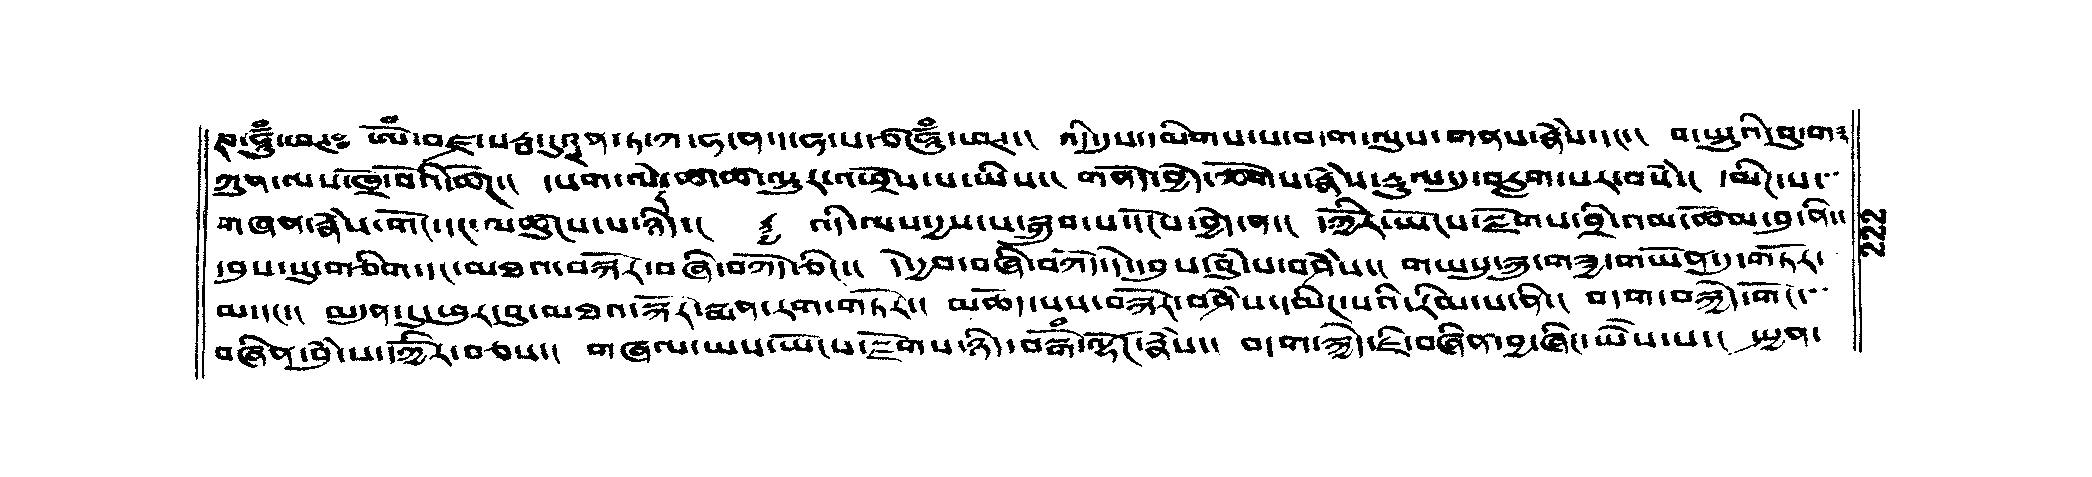ཎ་ཧཱུྃ་ཕཊཿ ཨོཾ་བཛྲ་སརྦ་དུཥྚན་ཏ་ཀ་ཧ་ན་ད་ཧ་པ་ཙ་ཧཱུྃ་ཕཊ། འདི་དུས་དམིགས་པ་བདག་ལུས་གནས་རྣམས་དང་། བ་སྤུའི་བུ་ག་
ཀུན་ལས་ཁྲོ་བོའི་ཚོགས། དཔག་མེད་ཚ་ཚ་ལྟ་བུར་འཕྲོས་པ་ཡིས། གནོད་བྱེད་ཚོགས་རྣམས་རྡུལ་དུ་བརླག་པར་བསམ། དམིགས་པ་
གཞན་རྣམས་གོང་དང་མཚུངས་པ་ཉིད། འདི་ལས་རྒྱས་པ་སྒྲུབ་པ་དངོས་བྱེད་ན། དཀྱིལ་འཁོར་རྫོགས་བྲི་འམ་ཚོམ་བུ་ནི། 
དབུས་སུ་གཅིག་དང་མཐའ་བསྐོར་བཞི་བཀོད་ཅིང་། དེ་རྒྱབ་བཞི་བཀོད་དེ་དབུས་དེ་དབུས་བུམ་པ་བཤམས། གཡས་སུ་སྐུ་གཟུགས་གཡོན་དུ་གཏོར་
མ་དང་། མདུན་དུ་ཕུར་བུ་མཐའ་སྐོར་སྨན་རག་གཏོར། མཆོད་པས་བསྐོར་བཤམས་དམིགས་པའི་རིམ་པ་ནི། བདག་བསྐྱེད་གོང་
བཞིན་བུམ་པ་དཀྱིལ་འཁོར་བཅས། གཞལ་ཡས་ཡོངས་རྫོགས་ཉིད་བསྒོམ་ལྷ་ཚོགས་རྣམས། བདག་སྐྱེད་ཇི་བཞིན་བྱ་ཞིང་ཡེ་ཤེས་པ། སྤྱན་